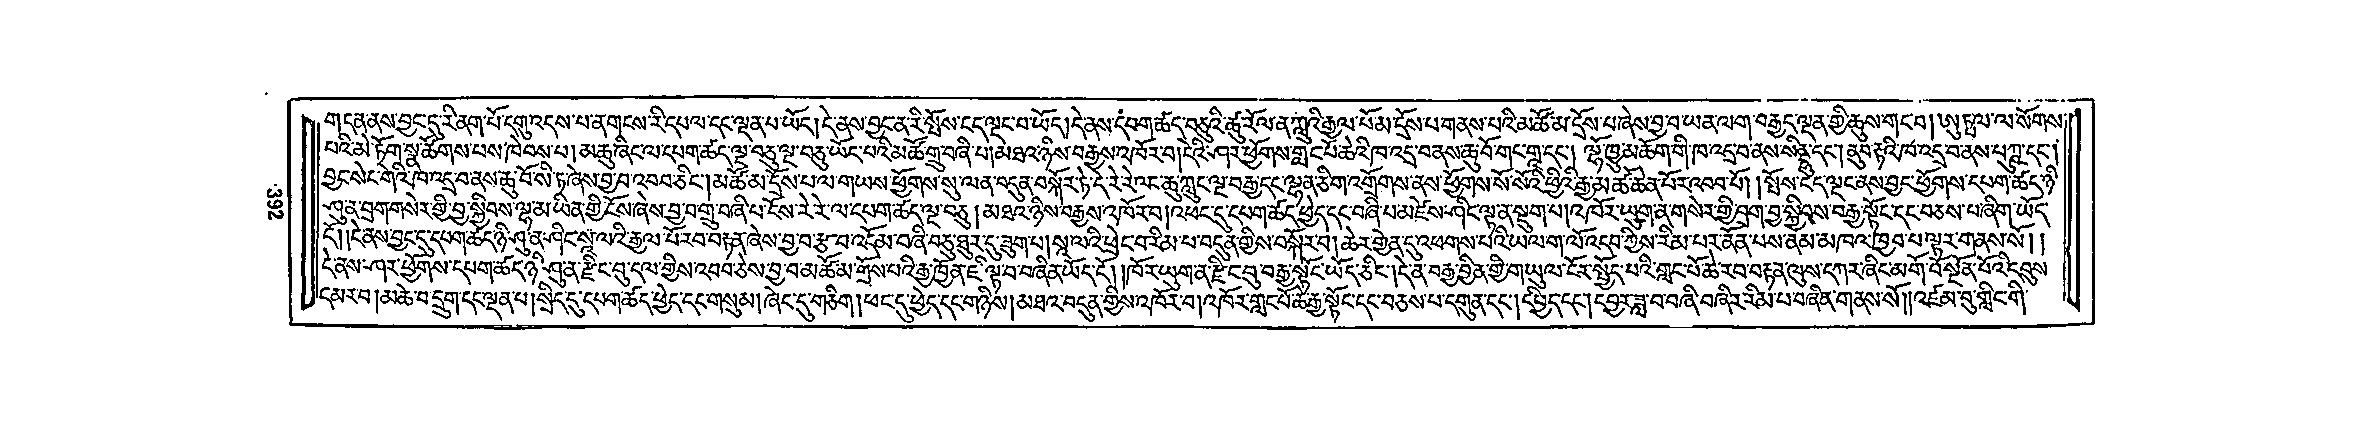གདན་ནས་བྱང་དུ་རི་ནག་པོ་དགུ་འདས་པ་ན་གངས་རི་དཔལ་དང་ལྡན་པ་ཡོད། དེ་ནས་བྱང་ན་རི་སྤོས་ངད་ལྡང་བ་ཡོད། དེ་ནས་དཔག་ཚད་བཅུའི་ཚུ་རོལ་ན་ཀླུའི་རྒྱལ་པོ་མ་དྲོས་པ་གནས་པའི་མཚོ་མ་དྲོས་པ་ཞེས་བྱ་བ་ཡན་ལག་བརྒྱད་ལྡན་གྱི་ཆུས་གང་བ། ཨུཏྤླ་ལ་སོགས་
པའི་མེ་ཏོག་སྣ་ཚོགས་པས་ཁེབས་པ། མཆུ་ཞིང་ལ་དཔག་ཚད་ལྔ་བཅུ་ལྔ་བཅུ་ཡོད་པའི་མཚོ་གྲུ་བཞི་པ། མཐའ་ཉིས་བརྒྱས་འཁོར་བ། དེའི་ཤར་ཕྱོགས་གླང་པོ་ཆེའི་ཁ་འདྲ་བ་ནས་ཆུ་བོ་གང་གཱ་དང་། ལྷོ་ཁྱུ་མཆོག་གི་ཁ་འདྲ་བ་ནས་སིནྡྷུ་དང་། ནུབ་རྟའི་ཁ་འདྲ་བ་ནས་པུཀྵུ་དང་།
བྱང་སེང་གེའི་ཁ་འདྲ་བ་ནས་ཆུ་བོ་སི་ཏ་ཞེས་བྱ་བ་འབབ་ཅིང་། མཚོ་མ་དྲོས་པ་ལ་གཡས་ཕྱོགས་སུ་ལན་བདུན་བསྐོར་ཏེ་དེ་རེ་རེ་ལང་ཆུ་ཀླུང་ལྔ་བརྒྱ་དང་ལྷན་ཅིག་འགྲོགས་ནས་ཕྱོགས་སོ་སོའི་ཕྱིའི་རྒྱ་མཚོ་ཆེན་པོར་འབབ་པོ། །སྤོས་ངད་ལྡང་ནས་བྱང་ཕྱོགས་དཔག་ཚད་ཉི་
ཤུ་ན་བྲག་གསེར་གྱི་བྱ་སྐྱིབས་ལྷ་མ་ཡིན་གྱི་ངོས་ཞེས་བྱ་བ་གྲུ་བཞི་པ་ངོས་རེ་རེ་ལ་དཔག་ཚད་ལྔ་བཅུ། མཐའ་ཉིས་བརྒྱས་འཁོར་བ། འཕང་དུ་དཔག་ཚད་ཕྱེད་དང་བཞི་པ་མཛེས་ཤིང་ལྟ་ན་སྡུག་པ། འཁོར་ཡུག་ན་གསེར་གྱི་བྲག་བྱ་སྐྱིབས་བརྒྱ་སྟོང་དང་བཅས་པ་ཞིག་ཡོད་
དོ། །དེ་ནས་བྱང་དུ་དཔག་ཚད་ཉི་ཤུ་ན་ཤིང་སཱ་ལའི་རྒྱལ་པོ་རབ་བརྟན་ཞེས་བྱ་བ་རྩ་བ་འདོམ་བཞི་བཅུ་ཐུར་དུ་ཟུག་པ། སཱ་ལའི་ཕྲེང་བ་རིམ་པ་བདུན་གྱིས་བསྐོར་བ། ཆེན་གྱེན་དུ་འཕགས་པའི་ཡལ་ག་ལོ་འདབ་ཀྱིས་རིམ་པར་ནོན་པས་ནམ་མཁའ་ཁྱབ་པ་ལྟར་གནས་སོ། །
དེ་ནས་ཤར་ཕྱོགས་དཔག་ཚད་ཉི་ཤུ་ན་རྫིང་བུ་དལ་གྱིས་འབབ་ཅེས་བྱ་བ་མཚོ་མ་གྲོས་པའི་རྒྱ་ཁྱོན་ཇི་ལྟ་བ་བཞིན་ཡོད་དོ། །ཁོར་ཡུག་ན་རྫིང་བུ་བརྒྱ་སྟོང་ཡོད་ཅིང་། དེ་ན་བརྒྱ་བྱིན་གྱི་གཡུལ་ངོར་སྤྱོད་པའི་གླང་པོ་ཆེ་རབ་བརྟན་ལུས་དཀར་ཞིང་མགོ་བོ་སྔོན་པོའི་དབུས་
དམར་བ། མཆེ་བ་དྲུག་དང་ལྡན་པ། སྲིད་དུ་དཔག་ཚད་ཕྱེད་དང་གསུམ། ཞེང་དུ་གཅིག །ཕང་དུ་ཕྱེད་དང་གཉིས། མཐའ་བདུན་གྱིས་འཁོར་བ། འཁོར་གླང་པོ་ཆེ་རྒྱ་སྟོང་དང་བཅས་པ་དགུན་དང་། དཔྱིད་དང་། དབྱར་ཟླ་བ་བཞི་བཞིར་རིམ་པ་བཞིན་གནས་སོ། །འཛམ་བུ་གླིང་གི་